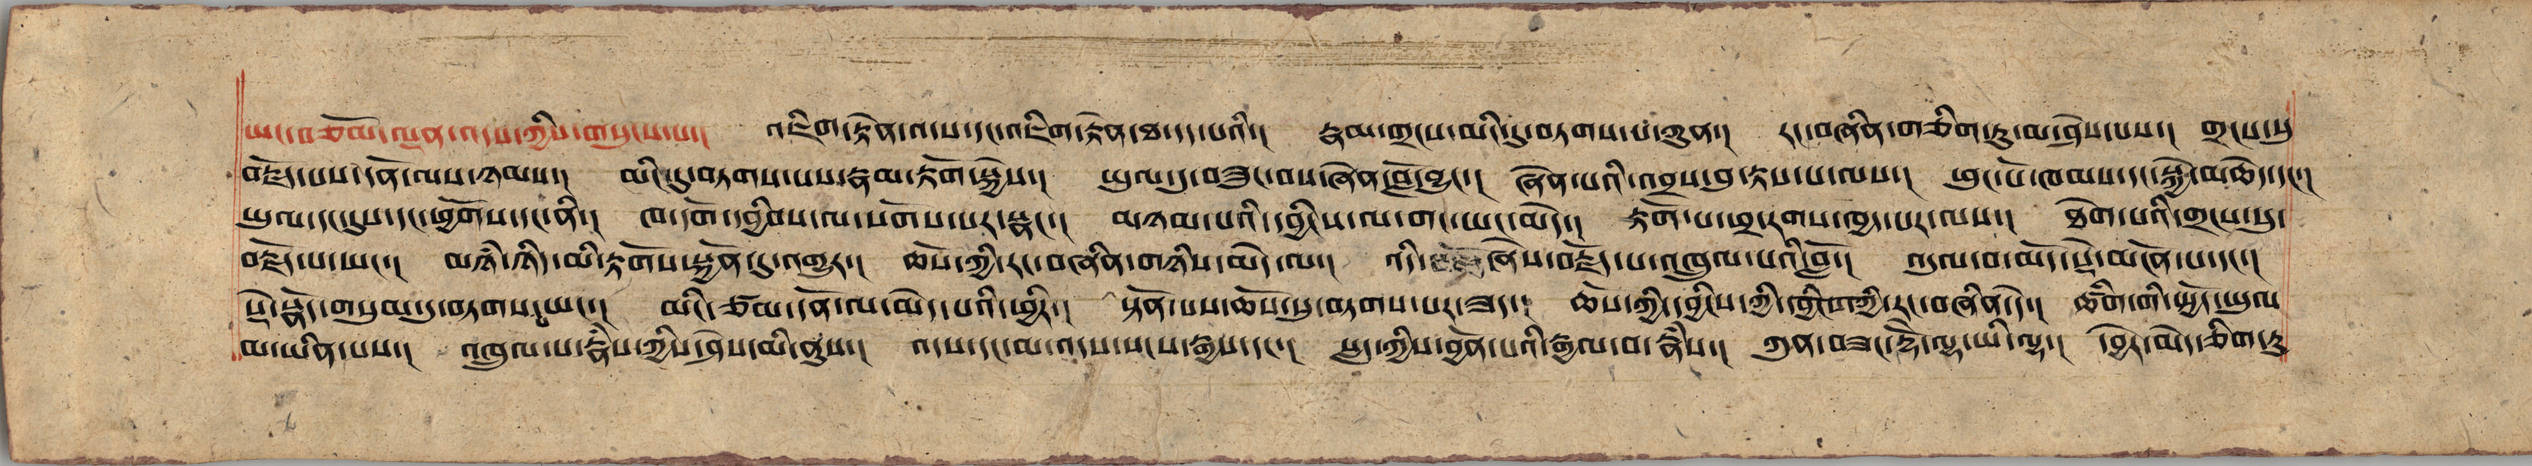ཡང་བཅོམ་ལྡན་འདས་ཀྱིས་གསུངས་པ་། འཇིག་རྟེན་འདས་དང་འཇིག་རྟེན་ཐ་དད་པའི་། རྣམ་གྲངས་མིང་དུ་བཏགས་པ་ཀུན་། རང་བཞིན་གཅིག་ཏུ་མ་ཤེས་པས་། གྲངས་སུ
བརྗོད་པས་དོན་ལས་ཉམས་། མིང་དུ་བཏགས་པས་རྣམ་རྟོག་སྐྱེས་། ཡུལ་དུ་བཟུང་བས་ཞེན་བློ་བྱུང་། ཞེན་པའི་འབྲས་བུ་རྟས་པ་ལས་། ཕུང་པོ་ཁམས་དང་སྐྱེ་མཆེད་དང་།
ཡུལ་དང་དུས་དང་ཕྱོགས་དང་ནི་། ཁ་དོག་དབྱིབས་ལ་སོགས་པར་སྣང་། མཉམ་པའི་དབྱིངས་ལ་གང་ཡང་མེད་། རྟོག་པ་ཕྲ་རགས་ཁྱད་པར་ལས་། ཐེག་པའི་གྲངས་སུ་
བརྗོད་པ་ཡང་།་ མཉཾ་ཉིད་མི་རྟོགས་སྐྱོན་དུ་འགྱུར་། ཆོས་ཀྱི་རང་བཞིན་གཉིས་མེད་ལ་། འདི་ཞེས་བརྗོད་པ་འཁྲུལ་པའི་བློ་། འདུལ་བ་མདོ་སྡེ་མངོན་པ་དང་།
སྡེ་སྣོད་གསུམ་དུ་བཏགས་པ་ཡང་། མིང་ཙམ་དོན་ལ་མེད་པའི་ཕྱིར་། སྟོན་པས་ཆོས་སུ་བཏགས་པར་ཟད་། ཆོས་ཀྱི་དབྱིངས་ཀྱི་དབྱིངས་ཀྱི་རང་བཞིན་དེ་། ཚིག་གི་སྤྱོད་ཡུལ
མ་ཡིན་པས་། འཁྲུལ་པ་རྣཾས་ཀྱིས་ཤེས་མི་ནུས་། འདས་དང་མ་འདས་སངས་རྒྱས་དང་། སླད་ཀྱིས་བྱོན་པའི་རྒྱལ་བ་རྣཾས། ཀུན་བཟང་རྡོེ་ལྷ་ཡི་ལྷ་། དབྱེར་མེད་ཅིག་ཏུ་